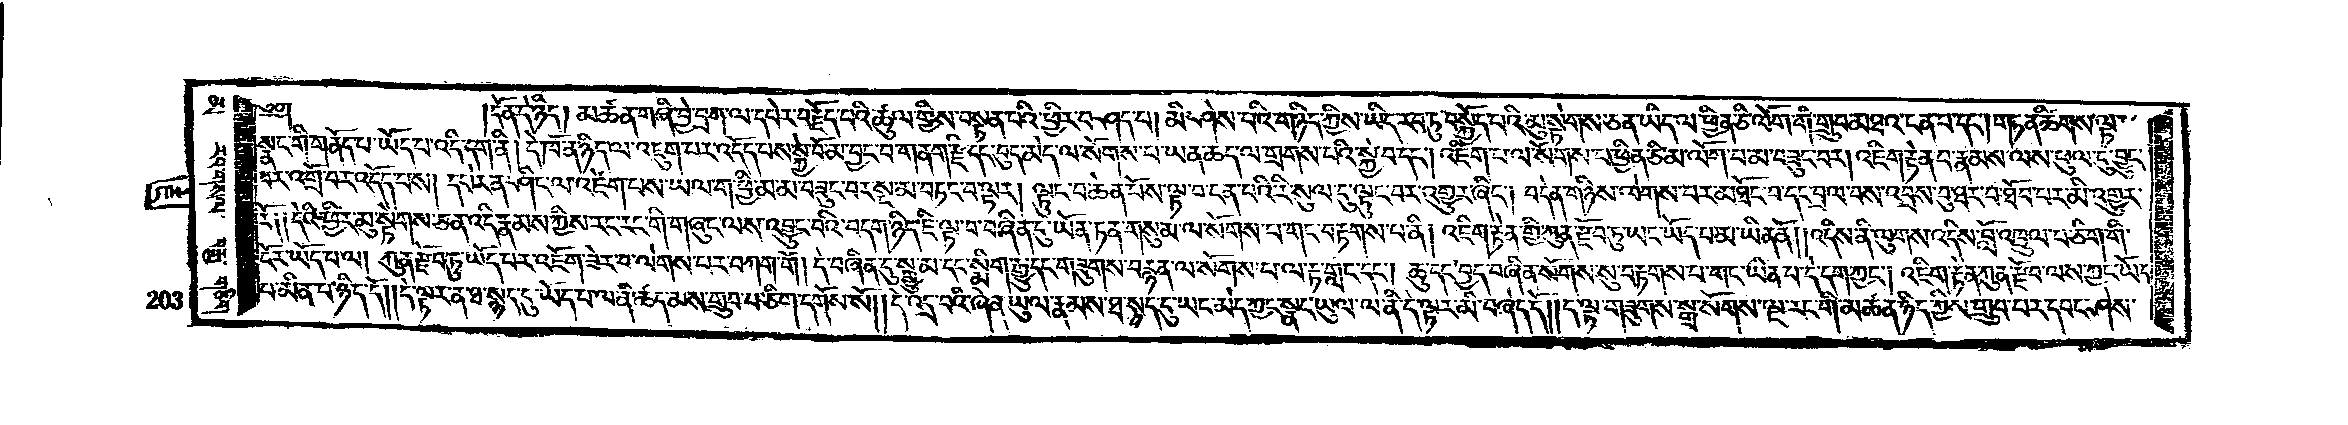༄༅། །དོན་དེ་ཉིད། མཚན་གཞི་བྱེ་བྲག་ལ་དཔེར་བརྗོད་པའི་ཚུལ་གྱིས་བསྟན་པའི་ཕྱིར་བཤད་པ། མི་ཤེས་པའི་གཉིད་ཀྱིས་ཡིད་རབ་ཏུ་བསྐྱོད་པའི་མུ་སྟེགས་ཅན་ཡིད་ལ་ཕྱིན་ཅི་ལོག་གི་གྲུབ་མཐའ་ངན་པ་དང་། གཏན་ཚིགས་ལྟར་
སྣང་གི་གནོད་པ་ཡོད་པ་འདི་དག་ནི། དེ་ཁོ་ན་ཉིད་ལ་འཇུག་པར་འདོད་པས་སྐྱེ་བོ་མ་བྱང་བ་གནག་རྫི་དང་བུད་མེད་ལ་སོགས་པ་ཡན་ཆད་ལ་གྲགས་པའི་སྐྱེ་བ་དང་། འཇིག་པ་ལ་སོགས་པ་ཕྱིན་ཅི་མ་ལོག་པ་མ་བཟུང་བར། འཇིག་རྟེན་པ་རྣམས་ལས་ཕུལ་དུ་བྱུང་
བར་འགྲོ་བར་འདོད་པས། དཔེར་ན་ཤིང་ལ་འཛེག་པས་ཡལ་ག་ཕྱི་མ་མ་བཟུང་བར་སྔ་མ་བཏང་བར་ལྟར། ལྟུང་བ་ཆེན་པོས་ལྟ་བ་ངན་པའི་རི་སུལ་དུ་ལྟུང་བར་འགྱུར་ཞིང་། བདེན་གཉིས་ལེགས་པར་མཐོང་བ་དང་བྲལ་བས་འབྲས་བུ་ཐར་བ་ཐོབ་པར་མི་འགྱུར་
རོ། །དེའི་ཕྱིར་མུ་སྟེགས་ཅན་འདི་རྣམས་ཀྱིས་རང་རང་གི་གཞུང་ལས་འབྱུང་བའི་བདག་ཉིད་ཇི་ལྟ་བ་བཞིན་དུ་ཡོན་ཏན་གསུམ་ལ་སོགས་པ་གང་བརྟགས་པ་ནི། འཇིག་རྟེན་གྱི་ཀུན་རྫོབ་ཏུ་ཡང་ཡོད་པ་མ་ཡིན་ནོ། །འདིས་ནི་ལུགས་འདིས་བློ་འཁྲུལ་པ་ཞིག་གི་
ངོར་ཡོད་པ་ལ། ཀུན་རྫོབ་ཏུ་ཡོད་པར་འཇོག་ཟེར་བ་ལེགས་པར་བཀག་གོ །དེ་བཞིན་དུ་སྒྱུ་མ་དང་སྨིག་རྒྱུ་དང་གཟུགས་བརྙན་ལ་སོགས་པ་ལ་རྟ་གླང་དང་། ཆུ་དང་བྱེད་བཞིན་སོགས་སུ་བརྟགས་པ་གང་ཡིན་པ་དེ་དག་ཀྱང་། འཇིག་རྟེན་ཀུན་རྫོབ་ལས་ཀྱང་ཡོད་
པ་མིན་པ་ཉིད་དོ། །དེ་ལྟར་ན་ཐ་སྙད་དུ་ཡོད་པ་ལ་ནི་ཚད་མས་གྲུབ་པ་ཞིག་དགོས་སོ། །དེ་འདྲ་བའི་ཞེན་ཡུལ་རྣམས་ཐ་སྙད་དུ་ཡང་མེད་ཀྱང་སྣང་ཡུལ་ལ་ནི་དེ་ལྟར་མི་བཞེད་དོ། །ད་ལྟ་གཟུགས་སྒྲ་སོགས་ལྔ་རང་གི་མཚན་ཉིད་ཀྱིས་གྲུབ་པར་དབང་ཤེས་